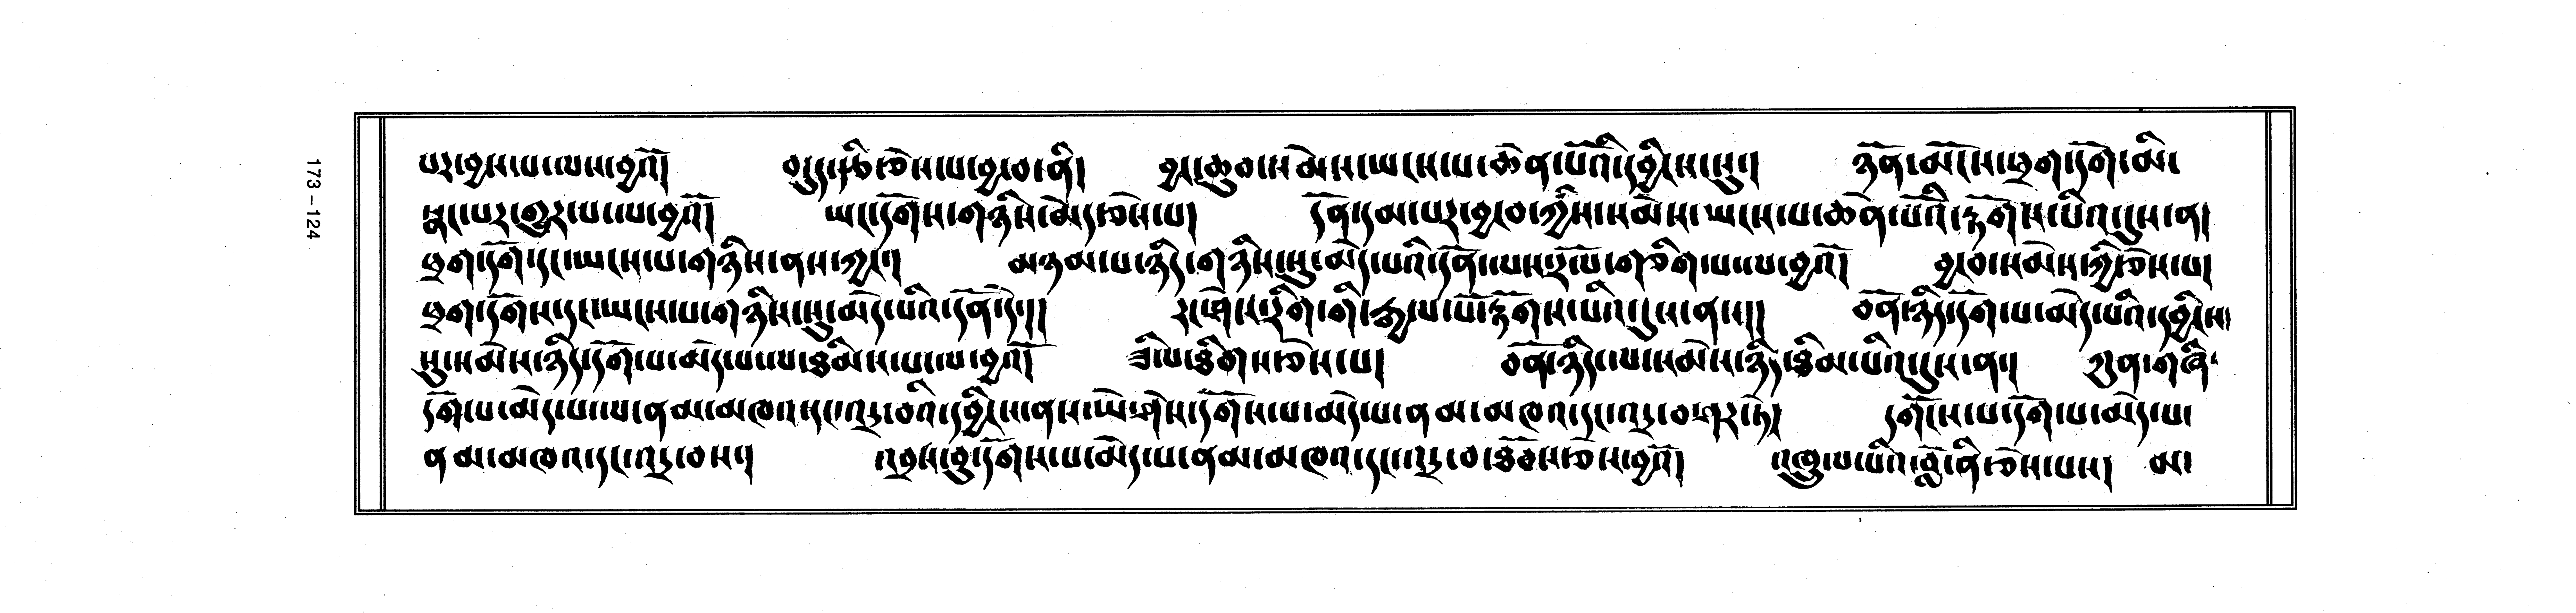པར་བྱས་པ་ལ་བྱའོ། །བདུད་རྩི་ཅེས་བྱ་བ་ནི། བྱང་ཆུབ་ཀྱི་སེམས་ཡངས་པ་ཆེན་པོའི་དབྱིངས་སུ་ཉོན་མོངས་ཕྲག་དོག་མི་
སྣང་བར་གྱུར་པ་ལ་བྱའོ། །ཡངས་དོག་གཉིས་མེད་ཅེས་པ། དོན་དམ་པར་བྱང་ཆུབ་ཀྱི་སེམས་ཡངས་པ་ཆེན་པོ་རྟོགས་པའི་དུས་ན། 
ཕྲག་དོག་དང་ཡངས་པ་གཉིས་ནས་ཀྱང་། མཉམ་པ་ཉིད་གཉིས་སུ་མེད་པའི་དོན་ལ་རོ་གཅིག་པ་གཅིག་པ་ལ་བྱའོ། །བྱང་ཆུབ་སེམས་ཀྱི་ཅེས་པ། 
ཕྲག་དོག་དང་ཡངས་པ་གཉིས་སུ་མེད་པའི་དོན་དེ། རང་ཤེས་རིག་གི་རྒྱལ་པོ་རྟོགས་པའི་དུས་ནས། བོན་ཉིད་དོག་པ་མེད་པའི་དབྱིངས་
སུ་སེམས་ཉིད་དོག་པ་མེད་པ་ལ་ཐིམ་པ་ལ་བྱའོ། ཟིལ་ཐིག་ཅེས་པ། བོན་ཉིད་ལ་སེམས་ཉིད་ཐིམ་པའི་དུས་ན། ཀུན་གཞི་
ལ་དོག་པ་མེད་པ་ནམ་མཁའ་དང་འདྲ་བའི་དབྱིངས་ནས། ཡེ་ཤེས་དོག་པ་མེད་པ་ནམ་མཁའ་དང་འདྲ་བ་ཤར་ཏེ། དགོངས་པ་དོག་པ་མེད་པ་
ནམ་མཁའ་དང་འདྲ་བས། འབྲས་བུ་དོག་པ་མེད་པ་ནམ་མཁའ་དང་འདྲ་བས་ཐོབ་ཅེས་བྱའོ། །འཁྲུལ་པའི་བློ་ནི་ཅེས་པས། མ་